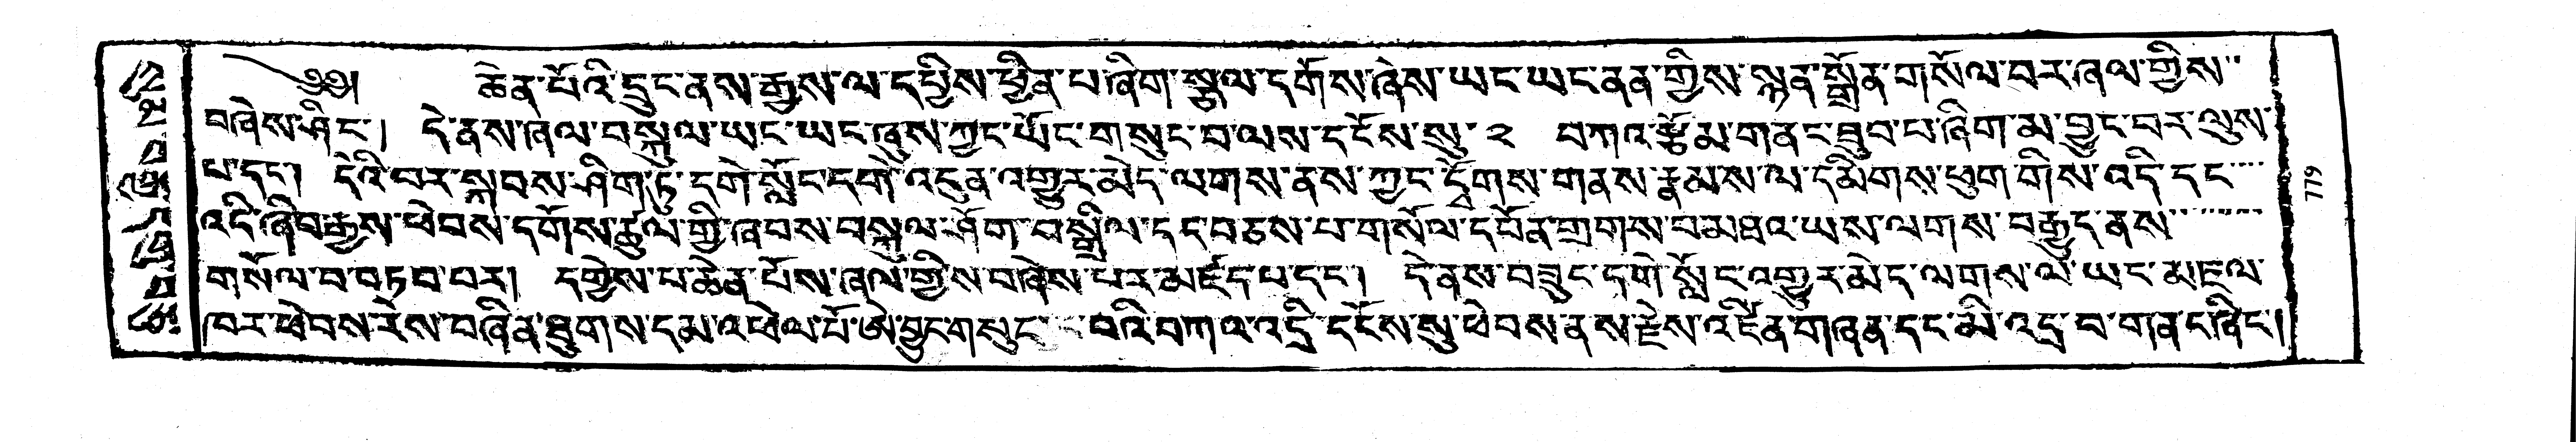༄༅། །ཆེན་པོའི་དྲུང་ནས་རྒྱས་ལ་དཔྱིས་ཕྱིན་པ་ཞིག་སྩལ་དགོས་ཞེས་ཡང་ཡང་ནན་གྱིས་སྙན་སྒྲོན་གསོལ་བར་ཞལ་གྱིས་
བཞེས་ཤིང་། དེ་ནས་ཞལ་བསྐུལ་ཡང་ཡང་ཞུས་ཀྱང་ཡོང་གསུང་བ་ལས་དངོས་སུ ༢་བཀའ་རྩོམ་གནང་ཐུབ་པ་ཞིག་མ་བྱུང་བར་ལུས་
པ་དང་། དེའི་བར་སྐབས་ཤིག་ཏུ་དགེ་སློང་དགེ་འདུན་འགྱུར་མེད་ལགས་ནས་ཀྱང་དྭོགས་གནས་རྣམས་ལ་དམིགས་ཕུག་གིས་འདི་དང་
འདི་ཞིབ་རྒྱས་ཕེབས་དགོས་ཚུལ་གྱི་ཞབས་བསྐུལ་ཤོག་བསྒྲིལ་དང་བཅས་པ་གསོལ་དཔོན་གྲགས་པ་མཐའ་ཡས་ལགས་བརྒྱུད་ནས་
གསོལ་བ་བཏབ་པར། དགྱེས་པ་ཆེན་པོས་ཞལ་གྱིས་བཞེས་པར་མཛད་པ་དང་། དེ་ནས་བཟུང་དགེ་སློང་འགྱུར་མེད་ལགས་ལ་ཡང་མཇལ་
ཁར་ཕེབས་རེས་བཞིན་ཐུགས་དམ་འཕེལ་པོ་ཨེ་བྱུང་གསུང་བའི་བཀའ་འདྲི་དངོས་སུ་ཕེབས་ནས་རྗེས་འཛིན་གཞན་དང་མི་འདྲ་བ་གནང་ཞིང་།